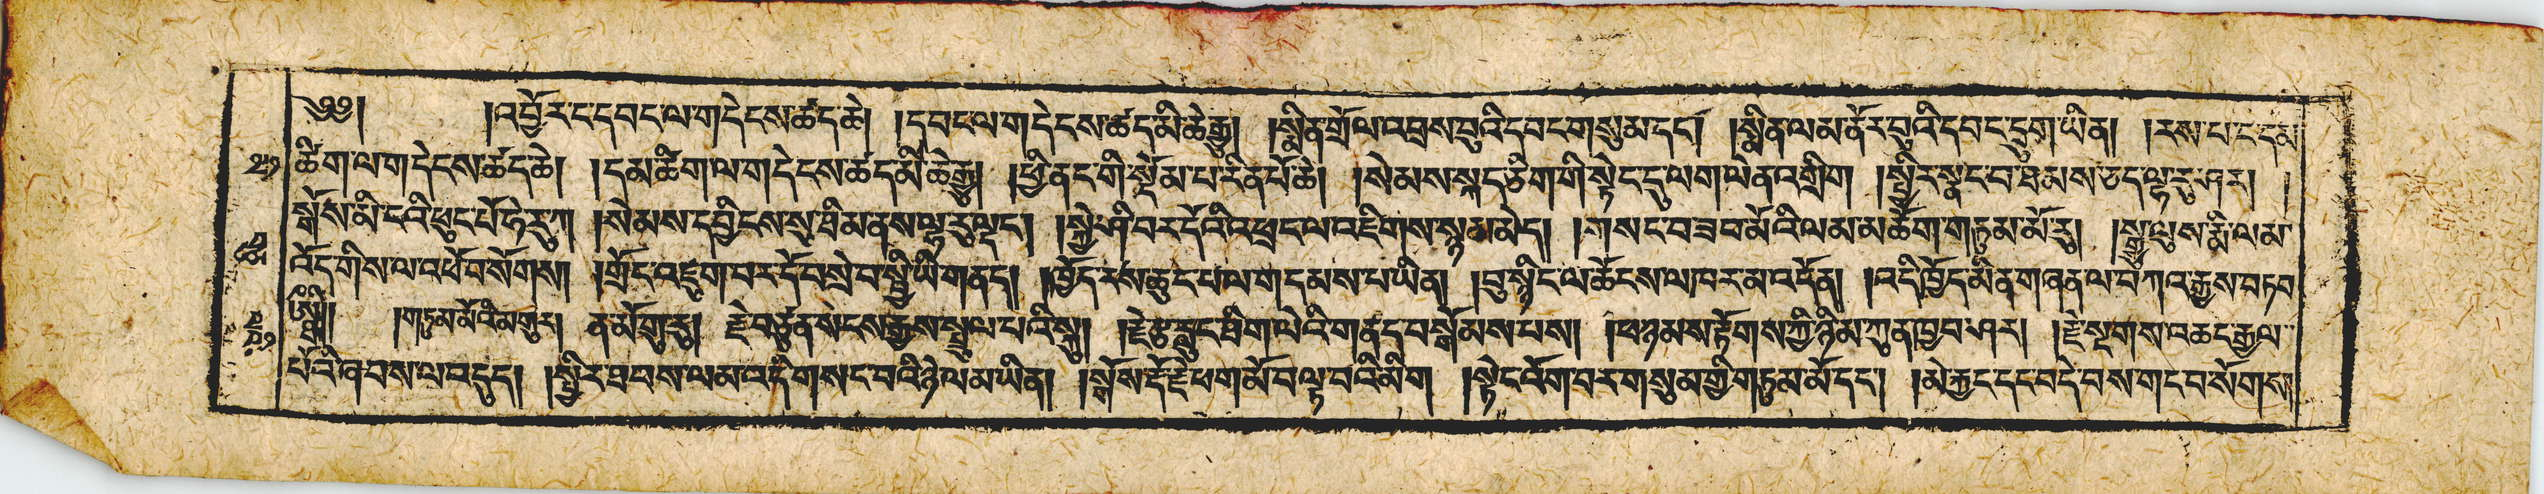འབྱོར་ང་དབང་ལ་གདེངས་ཚད་ཆེ། །དབང་ལ་གདེངས་ཚད་མི་ཆེ་རྒྱུ། །སྨིན་གྲོལ་འབྲས་བུའི་དབང་གསུམ་དང་། །སྨིན་ལམ་ནོར་བུའི་དབང་དྲུག་ཡིན། །རས་པ་ང་དམ་
ཚིག་ལ་གདེངས་ཚད་ཆེ། །དམ་ཚིག་ལ་གདེངས་ཚད་མི་ཆེ་རྒྱུ། །ཕྱི་ནང་གི་སྡོམ་པ་རིན་པོ་ཆེ། །སེམས་སྐདཅིག་གི་སྟེང་དུ་ལག་ལེན་འགྲིག །སྤྱིར་སྣང་བ་ཐམས་ཅད་ལྷ་རུ་ཤར། 
སྒོས་མི་ངའི་ཕུང་པོ་ཧེ་རུ་ཀ །སེམས་དབྱིངས་སུ་ཐིམ་ནས་ལྷ་རུ་ལྡང་། །སྐྱེ་ཤི་བར་དོའི་འཕྲང་ལ་འཇིགས་སྙམ་མེད། །གསང་བ་ཟབ་མོའི་ལམ་མཆོག་གཏུམ་མོ་རུ། །སྒྱུ་ལུས་རྨི་ལམ་